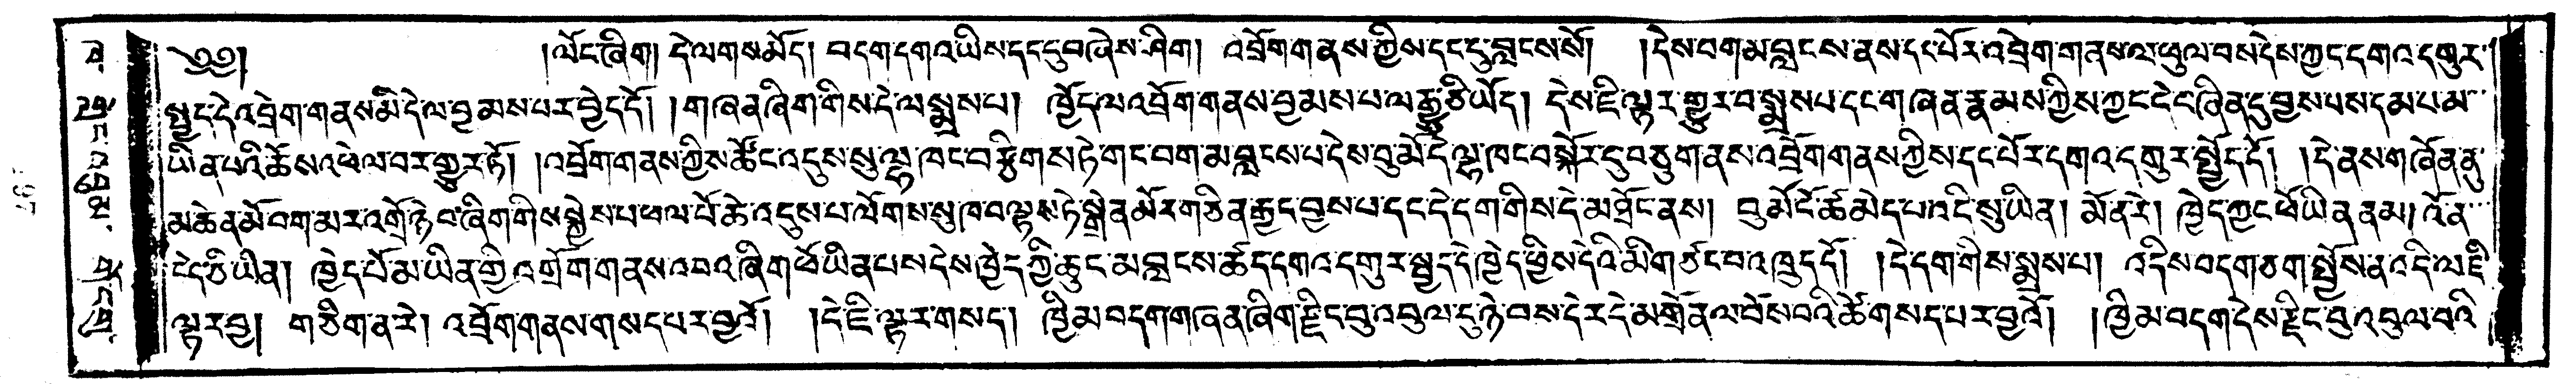༄༅། །ལོང་ཞིག། དེ་ལགས་མོད། བདག་དགའ་ཡིས་དང་དུ་བཞེས་ཤིག། འབྲོག་གནས་ཀྱིས་དང་དུ་བླངས་སོ། །དེས་བག་མ་བླངས་ནས་དང་པོར་འབྲེག་གནས་ལ་ཕུལ་བས་དེས་ཀྱང་དགའ་དགུར་
སྤྱད་དེ་འབྲེག་གནས་མི་དེ་ལ་བྱམས་པར་བྱེད་དོ། །གཞན་ཞིག་གིས་དེ་ལ་སྨྲས་པ། ཁྱོད་ལ་འབྲོག་གནས་བྱམས་པ་ལ་རྒྱུ་ཅི་ཡོད། དེས་ཇི་ལྟར་གྱུར་བ་སྨྲས་པ་དང་གཞན་རྣམས་ཀྱིས་ཀྱང་དེ་བཞིན་དུ་བྱས་པས་དམ་པ་མ་
ཡིན་པའི་ཆོས་འཕེལ་བར་གྱུར་ཏོ། །འབྲོག་གནས་ཀྱིས་ཚོང་འདུས་སུ་ལྷ་ཁང་བརྩིགས་ཏེ་གང་བག་མ་བླངས་པ་དེས་བུ་མོ་དེ་ལྷ་ཁང་བསྐོར་དུ་བཅུག་ནས་འབྲོག་གནས་ཀྱིས་དང་པོར་དགའ་དགུར་སྤྱོད་དོ། །དེ་ནས་གཞོན་ནུ་
མ་ཆེན་མོ་བག་མར་འགྲོ་ཉེ་བ་ཞིག་གིས་སྐྱེས་པ་ཕལ་པོ་ཆེ་འདུས་པ་ལོགས་སུ་ཁ་བལྟས་ཏེ་སྒྲེན་མོར་གཅིན་རྒྱང་བྱས་པ་དང་དེ་དག་གིས་དེ་མཐོང་ནས། བུ་མོ་ངོ་ཚ་མེད་པ་འདི་སུ་ཡིན། མོ་ན་རེ། ཁྱེད་ཀྱང་ཕོ་ཡིན་ནམ། འོ་ན་
ངེད་ཅི་ཡིན། ཁྱེད་པོ་མ་ཡིན་གྱི་འགྲོག་གནས་འབའ་ཞིག་ཕོ་ཡིན་པས་དེས་ཁྱེད་ཀྱི་ཆུང་མ་བླངས་ཚད་དགའ་དགུར་སྤྱད་དེ་ཁྱེད་ཕྱིས་དེའི་མི་གཙང་པ་འཁྲུད་དོ། །དེ་དག་གིས་སྨྲས་པ། འདིས་བདག་ཅག་སྤྱོས་ན་འདི་ལ་ཇི་
ལྟར་བྱ། གཅིག་ན་རེ། འབྲོག་གནས་གསད་པར་བྱའོ། །དེ་ཇི་ལྟར་གསད། ཁྱིམ་བདག་གཞན་ཞིག་རྫིང་བུ་འབུལ་དུ་ཉེ་བས་དེར་དེ་མགྲོན་ལ་བོས་པའི་ཚེ་གསད་པར་བྱའོ། །ཁྱིམ་བདག་དེས་རྫིང་བུ་འབུལ་བའི་